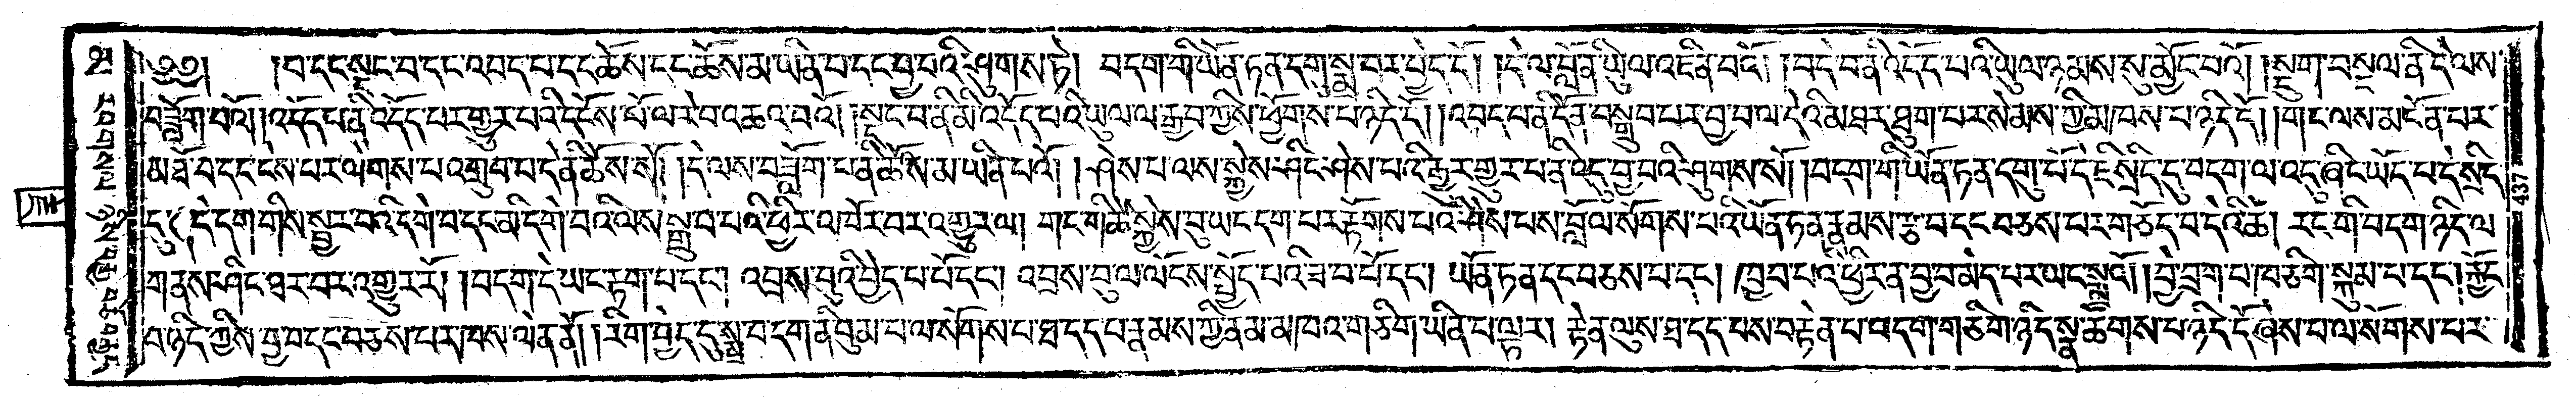༄༅། །པ་དང་སྡང་བ་དང་འབད་པ་དང་ཆོས་དང་ཆོས་མ་ཡིན་པ་དང་བྱ་བའི་ཤུགས་ཏེ། བདག་གི་ཡོན་ཏན་དགུ་སྨྲ་བར་བྱེད་དོ། །དེ་ལ་བློ་ནི་ཡུལ་འཛིན་པའོ། །བདེ་བ་ནི་འདོད་པའི་ཡུལ་ཉམས་སུ་མྱོང་བའོ། །སྡུག་བསྔལ་ནི་དེ་ལས་
བཟློག་པའོ། །འདོད་པ་ནི་འདོད་པར་གྱུར་པའི་དངོས་པོ་ལ་རེ་བ་འཆའ་བའོ། །སྡང་བ་ནི་མི་འདོད་པའི་ཡུལ་ལ་རྒྱབ་ཀྱིས་ཕྱོགས་པ་ཉིད་དོ། །འབད་པ་ནི་དོན་བསྒྲུབ་པར་བྱ་བ་ལ་དེའི་མཐར་ཐུག་པར་སེམས་ཀྱི་མཁས་པ་ཉིད་དོ། །གང་ལས་མངོན་པར་
མཐོ་བ་དང་ངེས་པར་ལེགས་པ་འགྲུབ་པ་དེ་ནི་ཆོས་སོ། །དེ་ལས་བཟློག་པ་ནི་ཆོས་མ་ཡིན་པའོ། །ཤེས་པ་ལས་སྐྱེས་ཤིང་ཤེས་པའི་རྒྱུར་གྱུར་པ་ནི་འདུ་བྱ་བའི་ཤུགས་སོ། །བདག་གི་ཡོན་ཏན་དགུ་པོ་དེ་ཇི་སྲིད་དུ་བདག་ལ་འདུ་ཞིང་ཡོད་པ་དེ་སྲིད་
དུ༑ དེ་དག་གིས་སྦྱར་བའི་དགེ་བ་དང་མི་དགེ་བའི་ལས་སྒྲུབ་པའི་ཕྱིར་འཁོར་བར་འགྱུར་ལ། གང་གི་ཚེ་སྐྱེས་བུ་ཡང་དག་པར་རྟོགས་པའི་ཤེས་པས་བློ་ལ་སོགས་པའི་ཡོན་ཏན་རྣམས་རྩ་བ་དང་བཅས་པར་གཅོད་པ་དེའི་ཚེ། རང་གི་བདག་ཉིད་ལ་
གནས་ཤིང་ཐར་བར་འགྱུར་རོ། །བདག་དེ་ཡང་རྟག་པ་དང་། འབྲས་བུའི་བྱེད་པ་པོ་དང་། འབྲས་བུ་ལ་ལོངས་སྤྱོད་པའི་ཟབ་པོ་དང་། ཡོན་ཏན་དང་བཅས་པ་དང་། ཁྱབ་པའི་ཕྱིར་ན་བྱ་བ་མེད་པར་ཡང་སྨྲའོ། །བྱེ་བྲག་པ་ཁ་ཅིག་སྐུམ་པ་དང་། རྐྱོང་
བ་ཉིད་ཀྱིས་བྱ་བ་དང་བཅས་པར་ཁས་ལེན་ནོ། །རིག་བྱེད་དུ་སྨྲ་བ་དག་ནི་བུམ་པ་ལ་སོགས་པ་ཐ་དད་པ་རྣམས་ཀྱི་ནམ་མཁའ་གཅིག་ཡིན་པ་ལྟར། རྟེན་ལུས་ཐ་དད་པས་བརྟེན་པ་བདག་གཅིག་ཉིད་སྣ་ཚོགས་པ་ཉིད་དོ་ཞེས་པ་ལ་སོགས་པར་